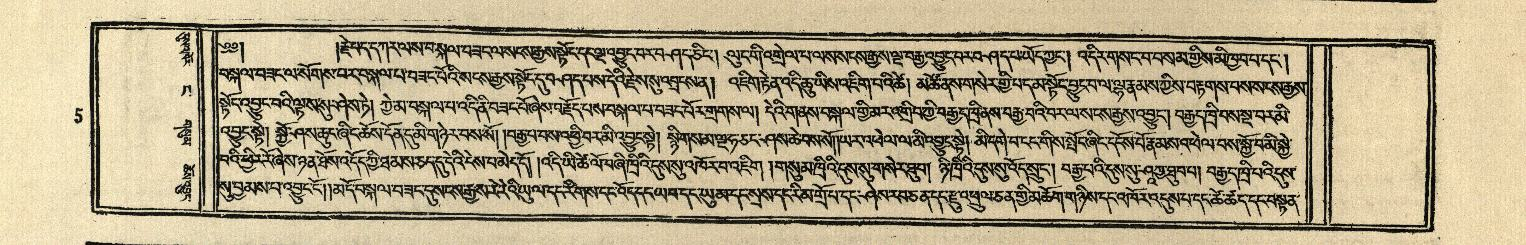༄༅། །རྗེ་པད་དཀར་ལས་བསྐལ་བཟང་ལ་སངས་རྒྱས་སྟོང་དང་ལྔ་འབྱུང་བར་བཤད་ཅིང་། ལུང་གི་འགྲེལ་པ་ལས་སངས་རྒྱས་ལྔ་བརྒྱ་འབྱུང་བར་བཤད་པ་ཡོད་ཀྱང་། འདིར་གསང་བ་བསམ་གྱིས་མི་ཁྱབ་པ་དང་།
བསྐལ་བཟང་ལ་སོགས་པར་བསྐལ་པ་བཟང་པོའི་སངས་རྒྱས་སྟོང་དུ་བཤད་པས་དེའི་རྗེས་སུ་འབྲངས་ན། འཇིག་རྟེན་འདི་ཆུ་ཡིས་འཇིག་པའི་ཚེ། མཚོ་ནས་གསེར་གྱི་པད་མ་སྟོང་བྱུང་བ་ལ་ལྷ་རྣམས་ཀྱིས་བརྟགས་པས་སངས་རྒྱས་
སྟོང་འབྱུང་བའི་ལྟས་སུ་ཤེས་ཏེ། ཀྱེ་མ་བསྐལ་པ་འདི་ནི་བཟང་པོ་ཞེས་བརྗོད་པས་བསྐལ་པ་བཟང་པོར་གྲགས་ལ། དེའི་གནས་བསྐལ་གྱི་མར་འགྲིབ་ཀྱི་བརྒྱད་ཁྲི་ནས་བརྒྱ་བའི་བར་ལ་སངས་རྒྱས་འབྱུང་། བརྒྱད་ཁྲི་བས་སྔ་བར་མི་
འབྱུང་སྟེ། སྐྱོ་ཤས་ཆུང་ཞིང་ཆོས་དོན་དུ་མི་གཉེར་བས་སོ། །བརྒྱ་པ་བས་འཕྱི་བར་མི་འབྱུང་སྟེ། སྙིགས་མ་ལྔ་ཧ་ཅང་ཤས་ཆེ་བས་སོ། །ཡར་འཕེལ་ལ་མི་འབྱུང་སྟེ། མི་དགེ་བ་ངང་གིས་སྤོང་ཞིང་དངོས་པོ་རྣམས་འཕེལ་བས་སྐྱོ་བ་མི་སྐྱེ་
བའི་ཕྱིར་རོ་ཞེས་ཉན་ཐོས་འདོད་ཀྱི་ཐམས་ཅད་དུ་དེའི་ངེས་པ་མེད་དོ། །འདི་ཡི་ཚེ་ལོ་བཞི་ཁྲིའི་དུས་སུ་འཁོར་བ་འཇིག །གསུམ་ཁྲིའི་དུས་སུ་གསེར་ཐུབ། ཉི་ཁྲིའི་དུས་སུ་འོད་སྲུང་། བརྒྱ་བའི་དུས་སུ་ཤཱ་ཀྱ་ཐུབ་པ། བརྒྱད་ཁྲི་པའི་དུས་
སུ་བྱམས་པ་འབྱུང་ངོ། །མདོ་བསྐལ་བཟང་དུ་སངས་རྒྱས་རེ་རེའི་ཡུལ་དང་རིགས་དང་འོད་དང་ཡབ་དང་ཡུམ་དང་སྲས་དང་རིམ་གྲོ་པ་དང་ཤེས་རབ་ཅན་དང་རྫུ་འཕྲུལ་ཅན་གྱི་མཆོག་གཉིས་དང་འཁོར་འདུས་པ་དང་ཚེ་ཚད་དང་བསྟན་